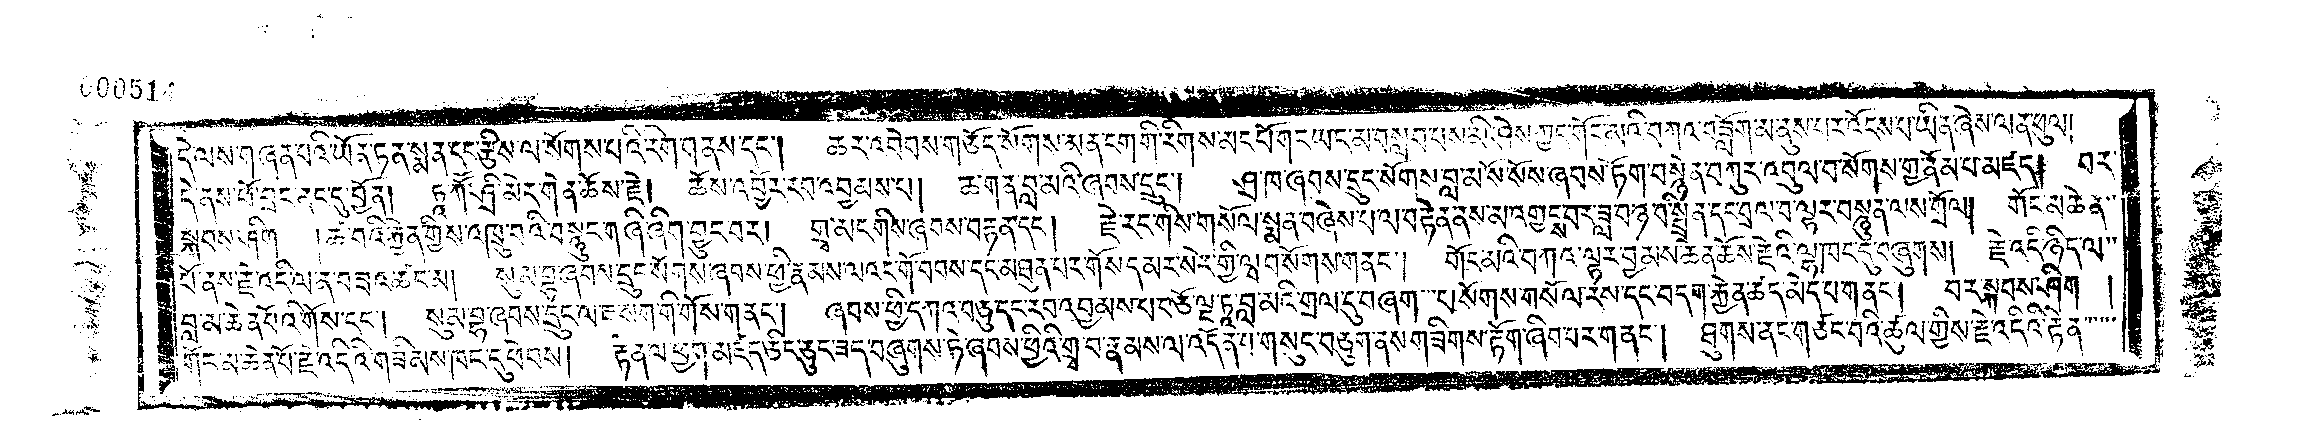དེ་ལས་གཞན་པའི་ཡོན་ཏན་སྨན་དང་རྩིས་ལ་སོགས་པའི་རིག་གནས་དང་། ཆར་འབེབས་གཅོད་སོགས་མན་ངག་གི་རིགས་མང་པོ་གང་ཡང་མ་བསླབ་པས་མི་ཤེས་ཀྱང་གོང་མའི་བཀའ་བཟློག་མ་ནུས་པར་འོངས་པ་ཡིན་ཞེས་ལན་ཕུལ།
དེ་ནས་ཕོ་བྲང་ནང་དུ་བྱོན། ཏཱ་ཀཽ་ཤྲི་མེར་གེན་ཆོས་རྗེ། ཆོས་འབྱོར་རབ་འབྱམས་པ། ཆ་གན་བླ་མ་འི་ཞབས་དྲུང་། ཤྲ་ཁ་ཞབས་དྲུང་སོགས་བླ་མ་སོ་སོས་ཞབས་ཏོག་བསྙེན་བཀུར་འབུལ་བ་སོགས་གྱ་ནོམ་པ་མཛད། བར་
སྐབས་ཤིག །ཚ་བའི་རྐྱེན་གྱིས་འཁྲུ་བའི་བསྙུང་གཞི་ཞིག་བྱུང་བར། གྲྭ་མང་གིས་ཞབས་བརྟན་དང་། རྗེ་རང་གིས་གསོལ་སྨན་བཞེས་པ་ལ་བརྟེན་ནས་མ་འགྱངས་བར་ཟླ་བ་ཉ་བ་སྤྲིན་དང་བྲལ་པ་ལྟར་བསྙུན་ལས་གྲོལ། གོང་མ་ཆེན་
པོ་ནས་རྗེ་འདི་ལ་ན་བཟའ་ཚང་མ། སུམ་བྷ་ཞབས་དྲུང་སོགས་ཞབས་ཕྱི་རྣམས་ལའང་གོ་བབས་དང་མཐུན་པར་གོས་དམར་སེར་གྱི་ལྭ་བ་སོགས་གནང་། གོང་མའི་བཀའ་ལྟར་བྱམས་ཆེན་ཆོས་རྗེའི་ལྷ་ཁང་དུ་བཞུགས། རྗེ་འདི་ཉིད་ལ་
བླ་མ་ཆེན་པོའི་གོས་དང་། སུམ་བྷ་ཞབས་དྲུང་ལ་ཇ་སག་གི་གོས་གནང་། ཞབས་ཕྱི་དཀའ་བཅུ་དང་རབ་འབྱམས་པ་བཅོ་ལྔ་ཏཱ་བླ་མའི་གྲལ་དུ་བཞག་པ་སོགས་གསོལ་རས་དང་བདག་རྐྱེ་ན་ཚད་མེད་བ་གནང་། བར་སྐབས་ཤིག །
གོད་མ་ཆེན་པོ་རྗེ་འདིའི་གཟིམས་ཁང་དུ་ཕེབས། རྟེན་ལ་ཕྱག་མཛད་ཅིང་ཅུང་ཟད་བཞུགས་ཏེ་ཞབས་ཕྱིའི་གྲྭ་བ་རྣམས་ལ་འདོན་པ་གསུང་བཅུག་ནས་གཟིགས་རྟོག་ཞིབ་པར་གནང་། ཐུགས་ནང་གཙང་བའི་ཚུལ་གྱིས་རྗེ་འདིའི་རྟེན་